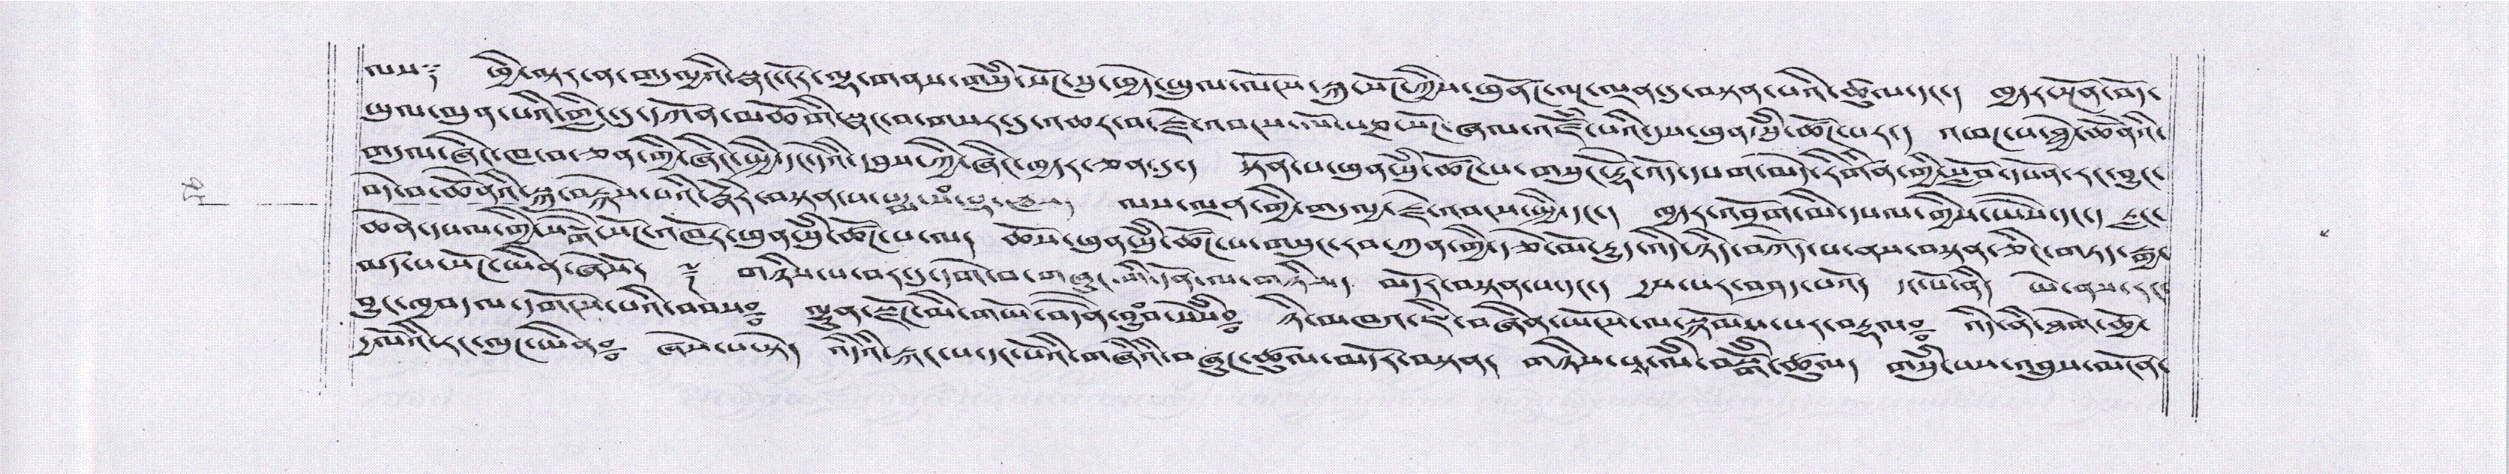ལས། ཕྱི་ལྟར་ན་གདུལ་བྱའི་སྣང་ངོར་ལྷ་གནས་གསུམ་སོགས་སུ་ཕྱེད་སྤྲུལ་ལོངས་སྐུ་སོགས་ཀྱིས་ཕུན་ཚོགས་ལྔ་ལྡན་དུ་བསྟན་པའི་ཚུལ་དང་། ཁྱད་པར་སྔོན་བོད་
ཡུལ་མུན་པའི་གླིང་དུ་དཀོན་མཆོག་གི་སྣང་བ་གསར་དུ་འཆར་བ་རྗེ་འབངས་ལོ་པཎ་སོགས་ཞལ་འཛོམས་པའི་དུས་ཕུན་སུམ་ཚོགས་པར། འཕགས་པ་ཐུགས་རྗེ་ཆེན་པོའི་
གདུལ་ཞིང་ཁ་བ་ཅན་གྱི་ཞིང་སྤྱི་དང་དེའི་དབུས་ཀྱི་ཞིང་ཁྱད་པར་ཅན་དུ། སྟོན་པ་ཕུན་སུམ་ཚོགས་པ་གསུང་རྡོ་རྗེ་འོད་དཔག་མེད་རིག་འཛིན་གྱི་སློབ་དཔོན་རང་བྱུང་
བདེ་བ་ཆེན་པོའི་སྐུ་བརྙེས་པའི་རྣམ་པར་བསྟན་པ་པདྨ་སཾ་བྷ་ཝས། ལས་ལྡན་གྱི་གདུལ་བྱ་རྗེས་འབངས་སྤྱི་དང་། ཁྱད་པར་འབྲོག་མི་དཔལ་གྱི་ཡེ་ཤེས་དང་། རླངས་
ཆེན་དཔལ་གྱི་སེང་གེ་སོགས་འཁོར་ཕུན་སུམ་ཚོགས་པ་ལ། ཆོས་ཕུན་སུམ་ཚོགས་པ་གསུང་རབ་ཀུན་གྱི་རྩེ་མོ་རྒྱུད་འདི་ཉིད་བཀོད་པ་ནས་བསྟན་ཅིང་གཏད་རྒྱ་
མཛད་པ་སོགས་ཡིན་ཞེས་སོ།། ༧ གཉིས་པ་བར་དུ་དགེ་བ་གཞུང་གི་དོན་ལ་གཉིས། མདོར་བསྟན་པ་དང་། རྒྱས་པར་བཤད་པའོ། དང་པོ་ནི། ཡེ་ནས་རང་
བྱུང་ཁྱབ་བདལ་དགོངས་པའི་བབསཿ ལྷུན་རྫོགས་མི་གཡོ་བདེ་ཆེན་བྱང་ཆུབ་སེམསཿ ཉི་མཁའ་ཇི་བཞིན་ཡོངས་ལ་སྙོམས་པར་བརྡལཿ འདི་ནི་ཐེག་མཆོག་
རྒྱལ་པོའི་རང་ལུགས་ཡིནཿ ཞེས་པ་སྟེ། འདིའི་རྐང་པ་དང་པོའི་གཞིའི་བཞུགས་ཚུལ་མདོར་བསྟན། གཉིས་པས་ལམ་བསྒོམ་ཚུལ། གསུམ་པ་འབྲས་བུ་མངོན་